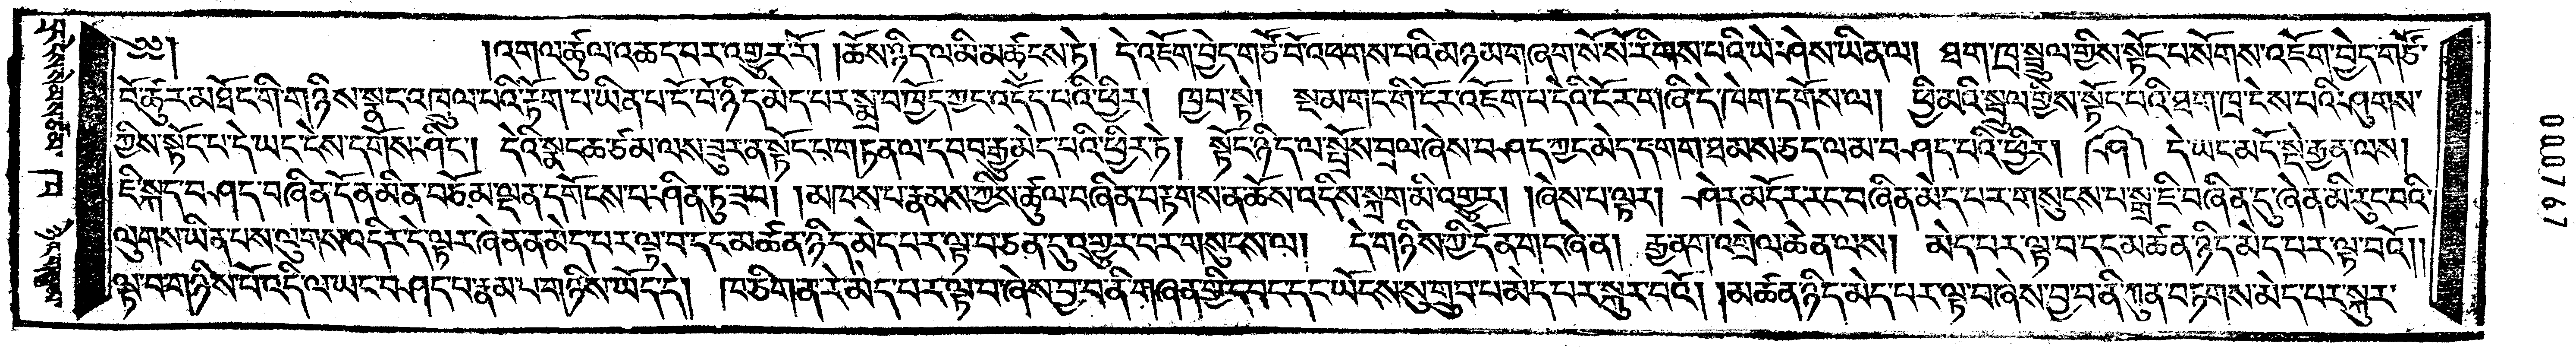༄༅། །འགལ་ཚུལ་འཆད་པར་འགྱུར་རོ། །ཆོས་ཉིད་ལ་མི་མཚུངས་ཏེ། དེ་འཇོག་བྱེད་གཙོ་བོ་འཕགས་པའི་མཉམ་གཞག་སོ་སོ་རིགས་པའི་ཡེ་ཤེས་ཡིན་ལ། ཐག་ཁྲ་སྦྲུལ་གྱིས་སྟོང་པ་སོགས་འཇོག་བྱེད་གཙོ་
བོ་ཚུར་མཐོང་གི་གཉིས་སྣང་འཁྲུལ་པའི་རྟོག་པ་ཡིན་པ་ངོ་བོ་ཉིད་མེད་པར་སྨྲ་བ་ཁྱོད་ཀྱང་འདོད་པའི་ཕྱིར། ཁྱབ་སྟེ། སྔ་མ་གང་གི་ངོར་འཇོག་པ་དེའི་ངོར་གཞི་དེ་ཁེག་དགོས་ལ། ཕྱི་མའི་སྦྲུལ་གྱིས་སྟོང་པའི་ཐག་ཁྲ་ངེས་པའི་ཤུགས་
ཀྱིས་སྟོང་པ་དེ་ཡང་ངེས་དགོས་ཤིང་། དེའི་སྣང་ཆ་ཙམ་ལས་ཟུར་ན་སྟོང་པ་གཏན་ལ་དབབ་རྒྱུ་མེད་པའི་ཕྱིར་ཏེ། སྟོང་ཉིད་ལ་སྤྲོས་བྲལ་ཞེས་བཤད་ཀྱང་མེད་དགག་ཐམས་ཅད་ལ་མ་བཤད་པའི་ཕྱིར། ༼ཤ༽ དེ་ཡང་མདོ་སྡེ་རྒྱན་ལས།
ཇི་སྐད་བཤད་བཞིན་དོན་མིན་བཅོམ་ལྡན་དགོངས་པ་ཤིན་ཏུ་ཟབ། །མཁས་པ་རྣམས་ཀྱིས་ཚུལ་བཞིན་བརྟགས་ན་ཆོས་འདིས་སྐྲག་མི་འགྱུར། །ཞེས་པ་ལྟར། ཤེར་མདོར་རང་བཞིན་མེད་པར་གསུངས་པ་སྒྲ་ཇི་བཞིན་དུ་ཞེན་མི་རུང་བའི་
ལུགས་ཡིན་པས་ལུགས་འདིར་དེ་ལྟར་ཞེན་ན་མེད་པར་ལྟ་བ་དང་མཚན་ཉིད་མེད་པར་ལྟ་བ་ཅན་དུ་འགྱུར་བར་གསུངས་ལ། དེ་གཉིས་ཀྱི་དོན་གང་ཞེ་ན། རྒྱ་ནག་འགྲེལ་ཆེན་ལས། མེད་པར་ལྟ་བ་དང་མཚན་ཉིད་མེད་པར་ལྟ་བའོ།།
ལྟ་བ་གཉིས་པོ་འདི་ལ་ཡང་བཤད་པ་རྣམ་པ་གཉིས་ཡོད་དེ། ཁ་ཅིག་ན་རེ་མེད་པར་ལྟ་བ་ཞེས་བྱ་བ་ནི་གཞན་གྱི་དབང་དང་ཡོངས་སུ་གྲུབ་པ་མེད་པར་སྐུར་བའོ། །མཚན་ཉིད་མེད་པར་ལྟ་བ་ཞེས་བྱ་བ་ནི་ཀུན་བཏགས་མེད་པར་སྐུར་